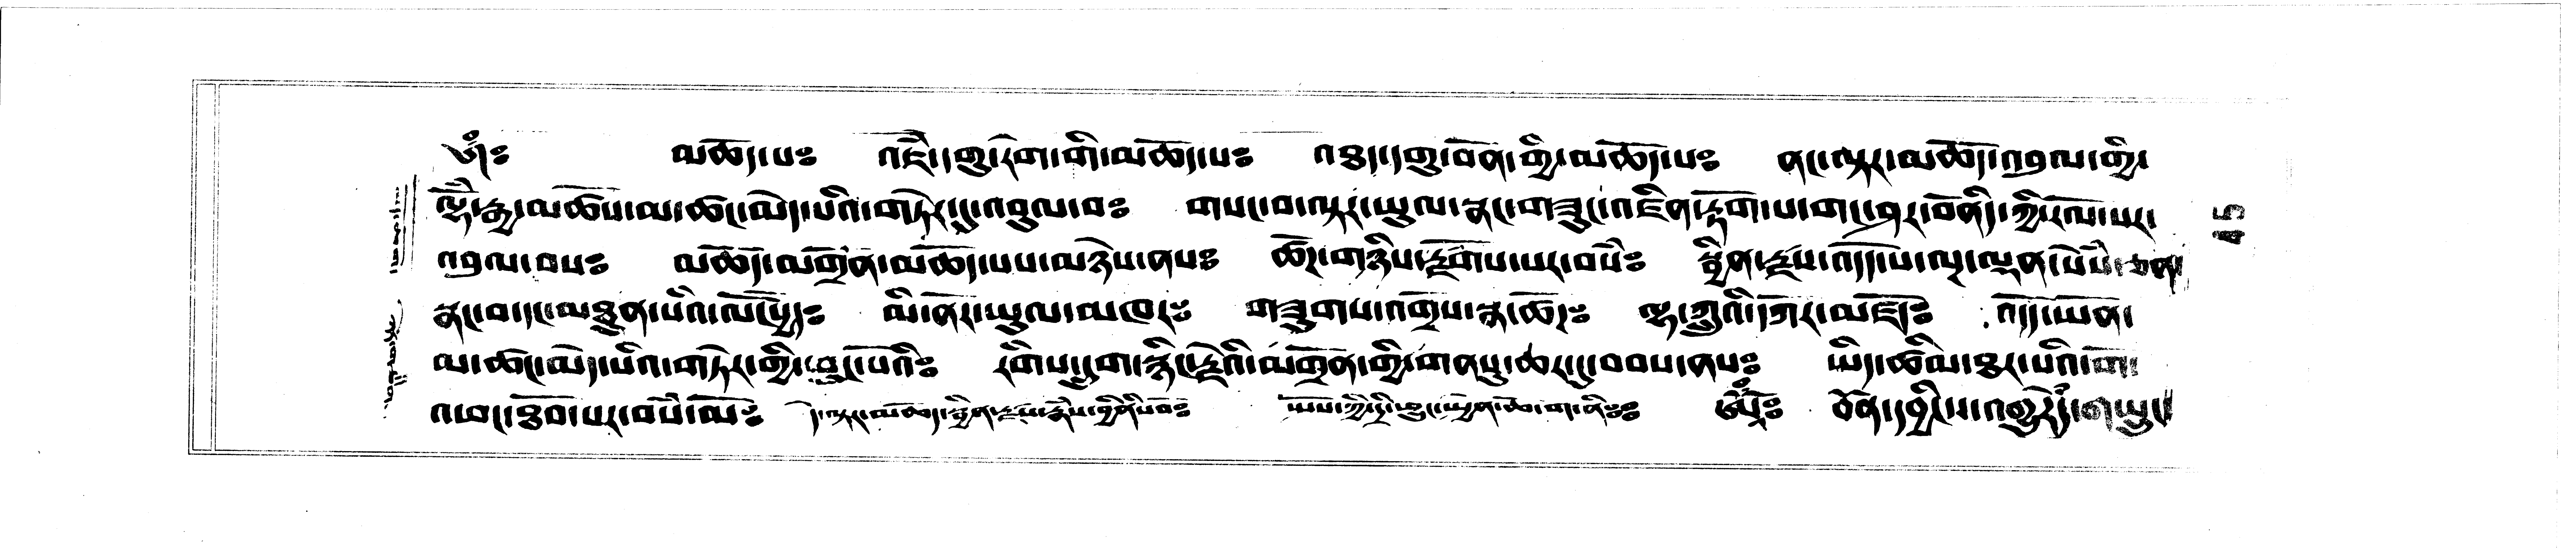མཆོད་པཿ འཐད་དགུ་བོན་གྱི་མཆོད་པཿ ནང་ལྟར་མཆོད་འབུལ་གྱི་
ལྷ་མོ་རྒྱ་མཚོས་མ་ཚང་བ་མེད་པའི་གཏེར་དུ་འབུལ་བཿ གསང་བ་ལྟར་ཡུལ་སྣང་གཟུང་འཛིན་རྟོག་པ་གང་ཤར་བོན་ཉིད་ཀྱི་རོལ་པར་
འབུལ་བསཿ མཆོད་མགྲོན་མཆོད་པས་མཉེས་ནས་ཚོགས་གཉིས་རྫོགས་པར་བསམཿ སྦྱིན་རྫས་འདོད་པ་ལྔ་ལྡན་སེམས་ཅན་
སྣང་བ་དང་མཐུན་པའི་ལོངས་སྤྱོདཿ མི་ནོར་ཡུལ་མཁརཿ གཟུགས་འགྲོས་སྣ་ཚོགསཿ ལྷ་ཀླུའི་དཀོར་མཛོདཿ འདོད་ཡོན་
མ་ཚང་མེད་པའི་གཏེར་གྱི་ཕུང་པོའིཿ རིགས་དྲུག་སྙིང་རྗེའི་མགྲོན་དུ་ཆར་དུ་བབས་ནསཿ ཡིད་ཚིམ་ཐར་པའི་གོ་
འཕང་ཐོབ་པར་བསམ་མོཿ དེ་ལྟར་མཆོད་སྦྱིན་རྫས་རྣམས་བྱིན་གྱིས་རློབསཿ སྤོས་ཀྱི་དྲི་ཕྱུང་སྤྱན་འདྲེན་ཆོ་ག་ནིཿ ཨཱོྃཿ བོན་དབྱིངས་འགྱུར་མེད་གཡུང་དྲུང་